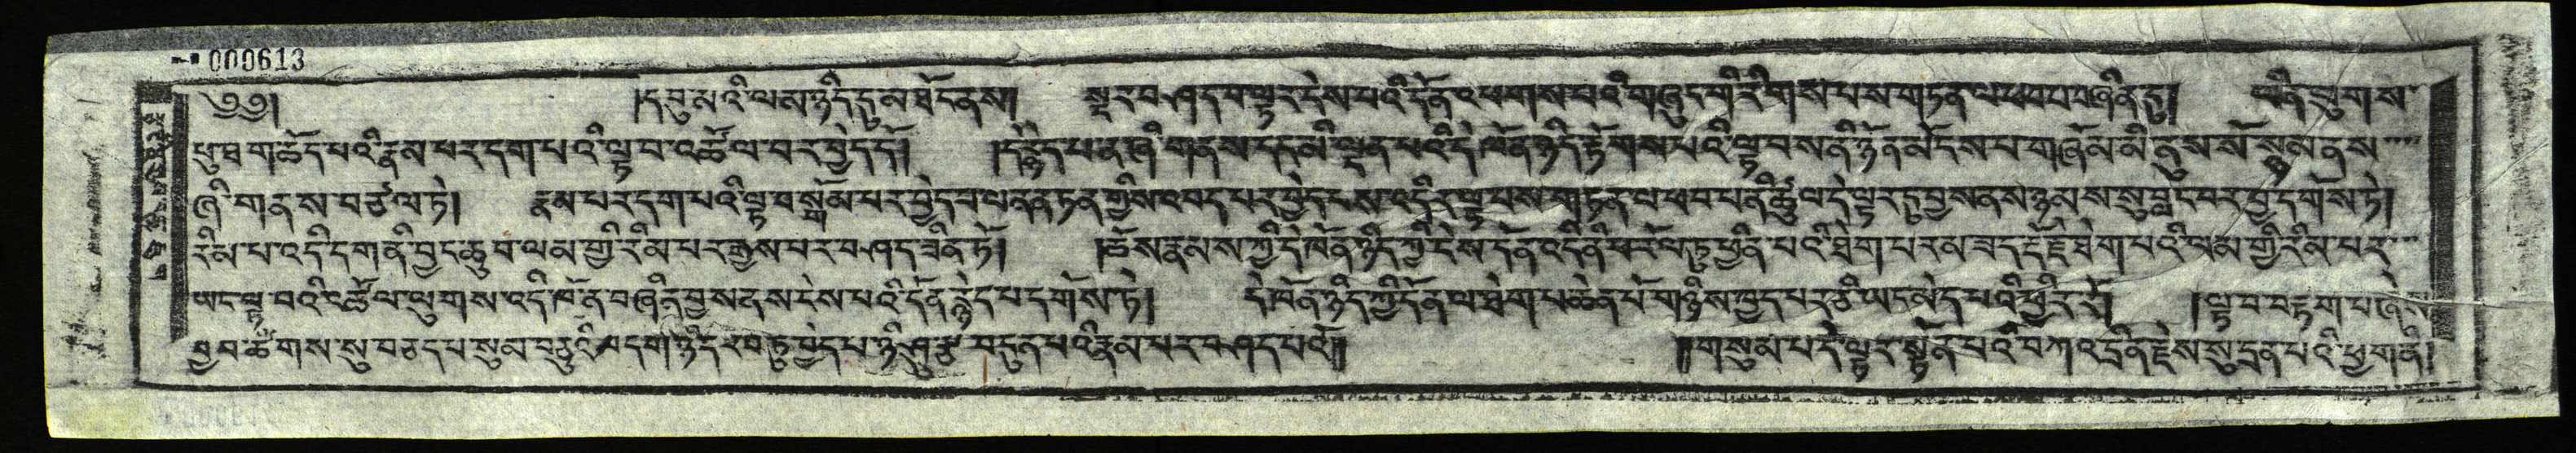༄༅། །དབུ་མའི་ལམ་ཉིད་དུ་མཐོང་ནས། སྔར་བཤད་པ་ལྟར་ངེས་པའི་དོན་འཕགས་པའི་གཞུང་གི་རིགས་པས་གཏན་ལ་ཕབ་པ་བཞིན་དུ། ཡིན?་གུགས་
པུ་ཐག་ཆོད་པའི་རྣམ་པར་དག་པའི་ལྟ་བ་འཚོལ་བར་བྱེད་དོ། །དེ་རྙེད་པ་ན་ཞི་གནས་དང་མི་ལྡན་པའི་དེ་ཁོ་ན་ཉིད་རྟོགས་པའི་ལྟ་བས་ནི་ཉོན་མོངས་པ་གཞོམ་མི་ནུས་སོ་སྙམ་ནས་
ཞི་གནས་བཙལ་ཏེ། རྣམ་པར་དག་པའི་ལྟ་བ་སྒོམ་པར་བྱེད་པ་ལ་ནན་ཏན་གྱིས་འབད་པར་བྱེད་པས་འདིར་ལྟ་བས་གཏན་ལ་ཕབ་པ་ནི་ཚུལ་དེ་ལྟར་དུ་བྱས་ནས་ཉམས་སུ་བླང་བར་བྱ་དགོས་ཏེ།
རིམ་པ་འདི་དག་ནི་བྱང་ཆུབ་ལམ་གྱི་རིམ་པར་རྒྱས་བར་བཤད་ཟིན་ཏོ། །ཆོས་རྣམས་ཀྱི་དེ་ཁོ་ན་ཉིད་ཀྱི་ངེས་དོན་འདི་ནི་ཕ་རོལ་ཏུ་ཕྱིན་པའི་ཐེག་པར་མ་ཟད་རྡོ་རྗེ་ཐེག་པའི་ལམ་གྱི་རིམ་པར་
ཡང་ལྟ་བའི་འཚོལ་ལུགས་འདི་ཁོ་ན་བཞིན་བྱས་ནས་ངེས་པའི་དོན་རྙེད་པ་དགོས་ཏེ། དེ་ཁོ་ན་ཉིད་ཀྱི་དོན་ལ་ཐེག་པ་ཆེན་པོ་གཉིས་ཁྱད་པར་ཅི་ཡང་མེད་པའི་ཕྱིར་རོ། །ལྟ་བ་བརྟག་པ་ཞེས་
བྱ་བ་ཚིགས་སུ་བཅད་པ་སུམ་བཅུའི་བདག་ཉིད་རབ་ཏུ་བྱེད་པ་ཉི་ཤུ་རྩ་བདུན་པའི་རྣམ་པར་བཤད་པའོ།། །།གསུམ་པ་དེ་ལྟར་སྟོན་པའི་བཀའ་དྲིན་རྗེས་སུ་དྲན་པའི་ཕྱག་ནི་